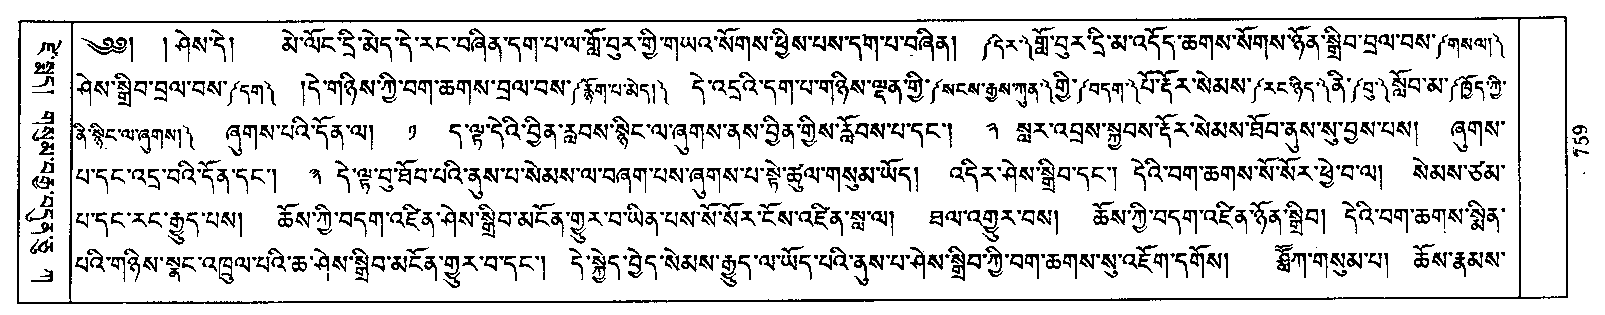༄༅། །ཤེས་དེ། མེ་ལོང་དྲི་མེད་དེ་རང་བཞིན་དག་པ་ལ་གློ་བུར་གྱི་གཡའ་སོགས་ཕྱིས་པས་དག་པ་བཞིན། ༼དེར྄་གློ་བུར་དྲི་མ་འདོད་ཆགས་སོགས་ཉོན་སྒྲིབ་བྲལ་བས་༽གསལ།?
ཤེས་སྒྲིབ་བྲལ་བས ༼དག྄་།དེ་གཉིས་ཀྱི་བག་ཆགས་བྲལ་བས་༽རྙོག་པ་མེད།?་དེ་འདྲའི་དག་པ་གཉིས་ལྡན་གྱི ༼སངས་རྒྱས་ཀུན྄་གྱི་༽བདག྄་པོ་རྡོར་སེམས ༼རང་ཉིད྄་ནི་༽བ྄ུ་སློབ་མ་ཁྱོད་ཀྱི་
ནི་སྙིང་ལ་ཞུགས།?་ཞུགས་པའི་དོན་ལ། ༡་ད་ལྟ་དེའི་བྱིན་རླབས་སྙིང་ལ་ཞུགས་ནས་བྱིན་གྱིས་རློབས་པ་དང་། ༢་སླར་འབྲས་སྐྱབས་རྡོར་སེམས་ཐོབ་ནུས་སུ་བྱས་པས། ཞུགས་
པ་དང་འདྲ་བའི་དོན་དང་། ༣་དེ་ལྟ་བུ་ཐོབ་པའི་ནུས་པ་སེམས་ལ་བཞག་པས་ཞུགས་པ་སྟེ་ཚུལ་གསུམ་ཡོད། འདིར་ཤེས་སྒྲིབ་དང་། དེའི་བག་ཆགས་སོ་སོར་ཕྱེ་བ་ལ། སེམས་ཙམ་
པ་དང་རང་རྒྱུད་པས། ཆོས་ཀྱི་བདག་འཛིན་ཤེས་སྒྲིབ་མངོན་གྱུར་བ་ཡིན་པས་སོ་སོར་ངོས་འཛིན་སླ་ལ། ཐལ་འགྱུར་བས། ཆོས་ཀྱི་བདག་འཛིན་ཉོན་སྒྲིབ། དེའི་བག་ཆགས་སྨིན་
པའི་གཉིས་སྣང་འཁྲུལ་པའི་ཆ་ཤེས་སྒྲིབ་མངོན་གྱུར་བ་དང་། དེ་སྐྱེད་བྱེད་སེམས་རྒྱུད་ལ་ཡོད་པའི་ནུས་པ་ཤེས་སྒྲིབ་ཀྱི་བག་ཆགས་སུ་འཇོག་དགོས། ཤླཽ་ཀ་གསུམ་པ། ཆོས་རྣམས་